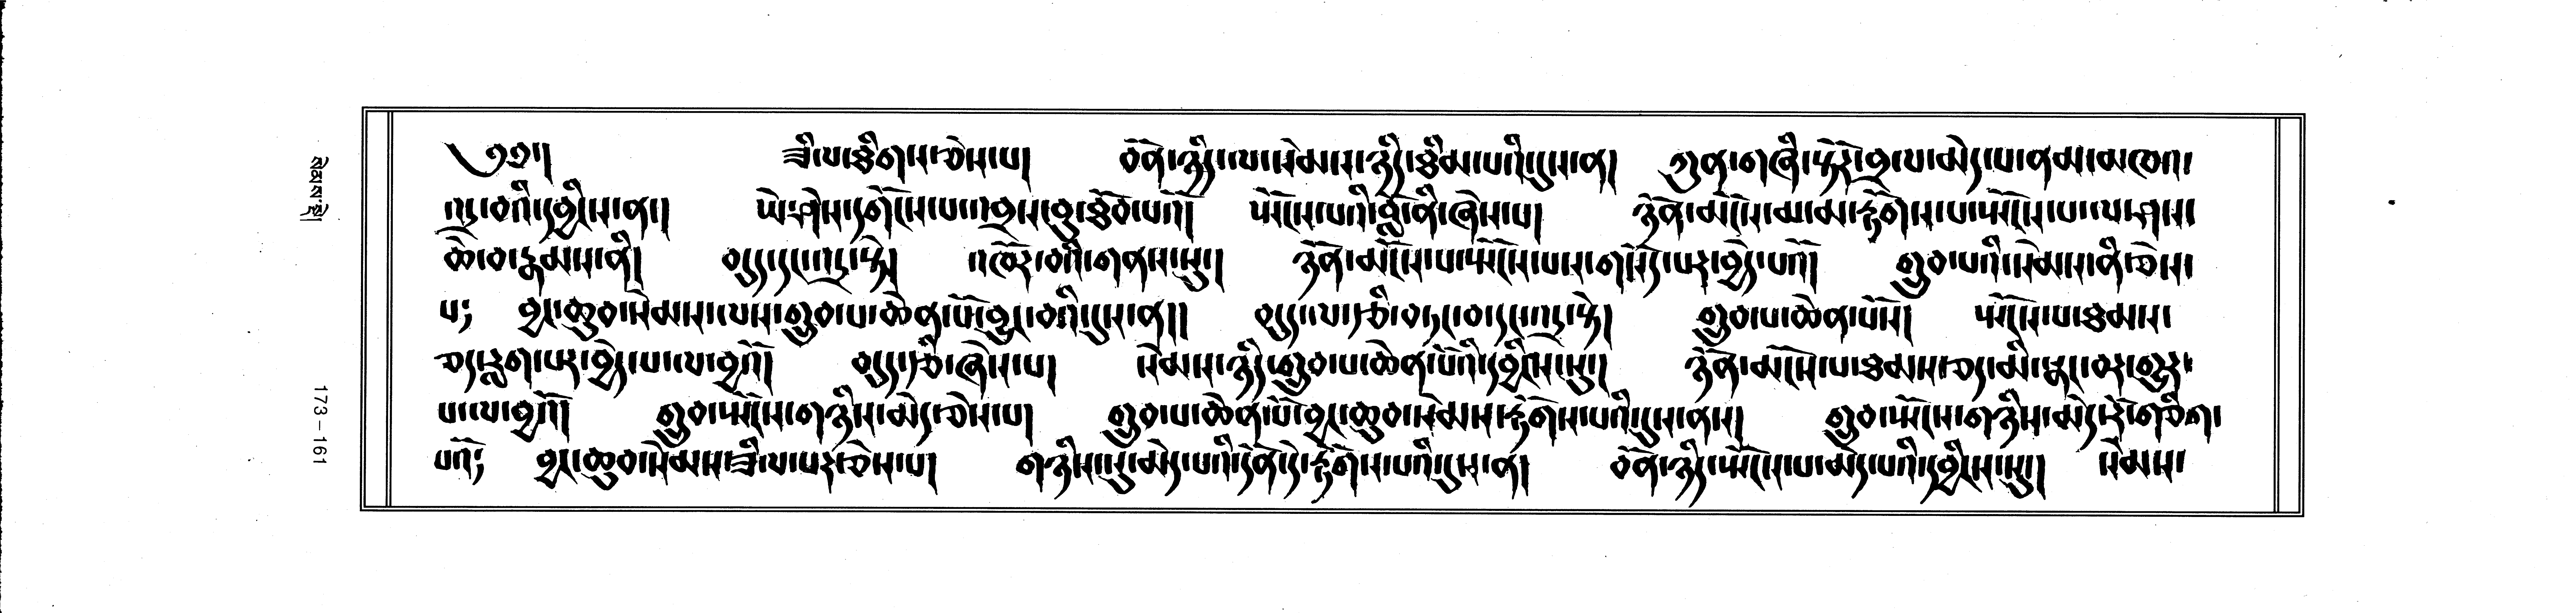ཟིལ་ཐིགས་ཅེས་པ། བོན་ཉིད་ལ་སེམས་ཉིད་ཐིམ་པའི་དུས་ན། ཀུན་གཞི་ལ་སྟོར་བྲལ་མེད་པ་ནམ་མཁའ་
འདྲ་བའི་དབྱིངས་ནས། ཡེ་ཤེས་དགོངས་པ་འབྲས་བུ་ཐོབ་པའོ། །སྤོང་བའི་བློ་ནི་ཞེས་པ། ཉོན་མོངས་པ་མ་རྟོགས་པ་སྤོང་བ་ལ་ཤས་
ཆེ་བ་རྣམས་ནི། བདུད་དང་འདྲ་སྟེ། འཁོར་བའི་གནས་སུ་ཉོན་མོངས་པ་སྤོངས་པས་༼སྤོང་བས༽གསོད་པར་བྱེད་པའོ། །གྲུབ་པའི་སེམས་ནི་ཞེས་
པ། བྱང་ཆུབ་ཀྱི་སེམས་གྲུབ་པ་ཆེན་པོ་བྱུང་བའི་དུས་ན། བདུད་ལ་རྩི་བཏང་བ་དང་འདྲ་སྟེ། གྲུབ་པ་ཆེན་པོས་སྤོང་བ་ཐམས་
ཅད་༼མི་སྣང་བར༽བརླག་པར་བྱེད་པ་བྱའོ། །བདུད་རྩི་ཞེས་པ། སེམས་ཉིད་གྲུབ་པ་ཆེན་པོའི་དབྱིངས་སུ། ཉོན་མོངས་པ་ཐམས་ཅད་མི་སྣང་བར་གྱུར་
པ་ལ་བྱའོ། །གྲུབ་སྤོང་གཉིས་མེད་ཅེས་པ། གྲུབ་པ་ཆེན་པོ་བྱང་ཆུབ་ཀྱི་སེམས་རྟོགས་པའི་དུས་ན། གྲུབ་སྤོང་གཉིས་མེད་རོ་གཅིག་
པའོ། །བྱང་ཆུབ་སེམས་ཟིལ་པར་ཅེས་པ། གཉིས་སུ་མེད་པའི་དོན་དེ་རྟོགས་པའི་དུས་ན། བོན་ཉིད་སྤོངས་པ་མེད་པའི་དབྱིངས་སུ། སེམས་